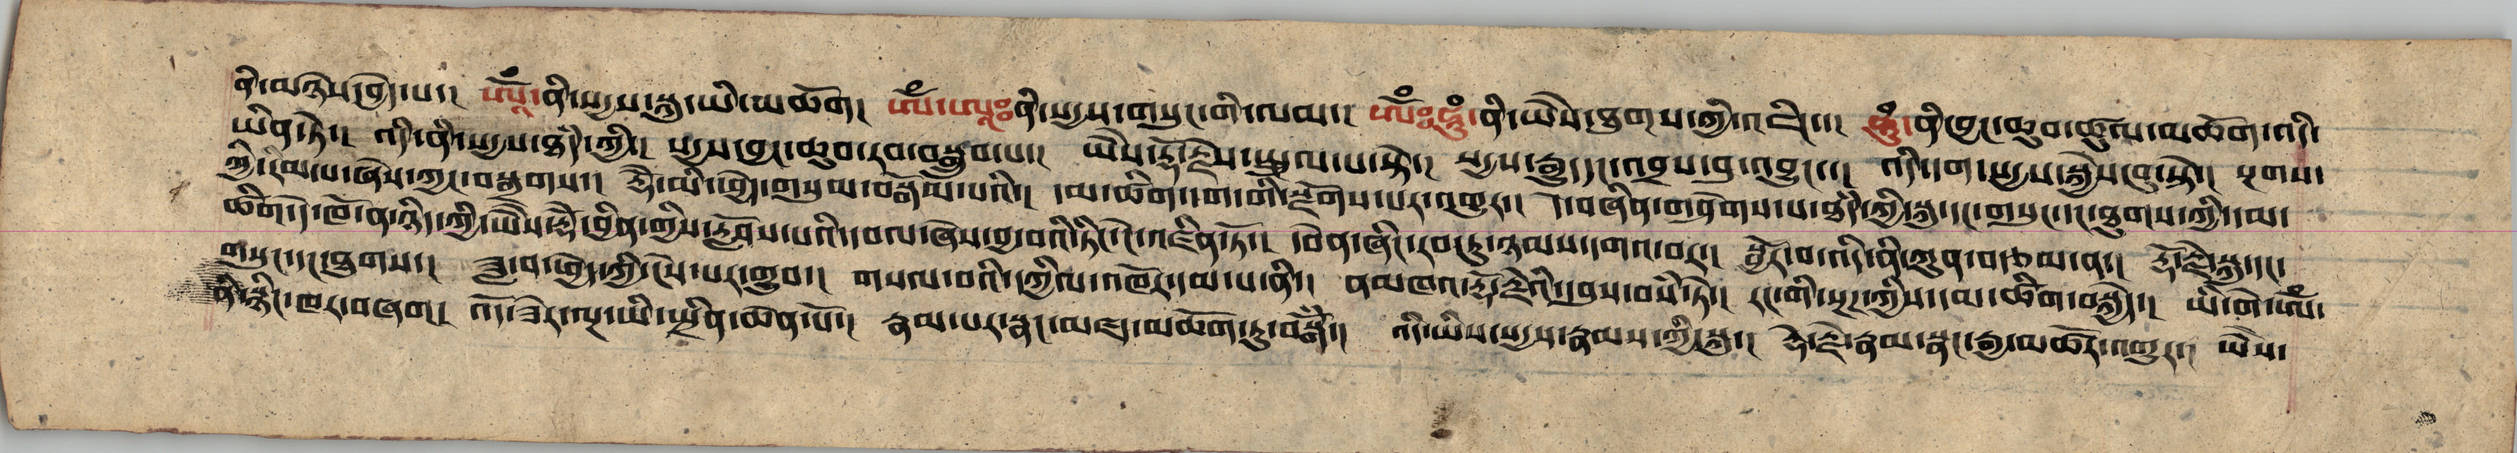ནི་མཉེས་བྱེད་པ་། ཨཱོཾ་ནི་སདྱས་སྐུ་ཡི་མཆོག། ཨོཾ་ཨཱཿནི་སདྱས་གསུང་གི་ལམ་། ཨོཾཿཧཱུཾ་ནི་ཡཻས་ཐུགས་གྱི་འཇིང་་། ཧཱུཾ་ནི་བྱང་ཆུབ་ཚུལ་མཆོག་འདི་
ཡིན་ཏེ་། འདི་ནི་སདྱས་ཐཾད་ཀྱི་། སདྱས་བྱང་ཆུབ་རབ་བསྒྲུབ་པ་། ཡཻས་རྡོ་རྗེས་སྤྲུལ་པ་སྟེ་། སདྱས་རྒྱུ་དང་འབྲས་བུ་འབྱུང་་། འདི་དག་སདྱས་སྐྱེས་བུ་སྟེ་། སྔགས་
ཀྱི་རིམ་པ་ཞེས་ཀྱང་བསྒྲགས་། རྡོེ་མི་ཕྱེད་གསུམ་བསྒཽམ་པའི་། དམ་ཚིག་དག་གི་སྫོགས་པར་འགྱུར་། དེ་བཞིན་གཤེགས་པ་ཐཾད་ཀྱི་སྐུ་དང་གསུང་དང་ཐུགས་ཀྱི་དམ་
ཚིག་དེ་ཁོ་ན་ཉིད་ཀྱི་ཡཻས་རྡོེ་བྱིན་གྱིས་རློབས་པའི་དཔལ་ཞེས་བྱ་བའི་ཏིང་ངེ་འཛིན་ཏོ་། དབེན་ཞིང་རབ་ཏུ་ཉམས་དགའ་བར་། སྦྱོར་བ་འདི་ནི་ཀུན་བརྩལ་ན་། རྡོ་རྗེ་སྐུ་དང་
གསུང་དང་ཐུགས་། ཟླ་བ་ཕྱེད་ཀྱི་ངེས་པར་གྱུབ་། གསལ་བའི་དཀྱིལ་འཁོར་དམ་པ་ནི་། ནམཁའ་རྡོ་རྗེའི་དབུས་བསཾ་ཏེ་། རང་གི་སྔཌ་ཀྱིས་དམ་ཚིག་བསྐྱེད་། ཡི་གེ་ཨོཾ་
སྙིང་ཁར་བཞག། འདོ་ཟེར་ལྔ་ཡི་སྤྲིན་ཆེན་པོ་། རྣམ་པར་སྣང་མཛད་མཆོག་ཏུ་བསྒོཾ་། འདི་ཡིས་སདྱས་རྣམས་ཀྱི་སྐུ་། རྡོ་རྗེ་རྣམ་སྣང་རྒྱ་མཚོར་འགྱུར་། ཡཻས་